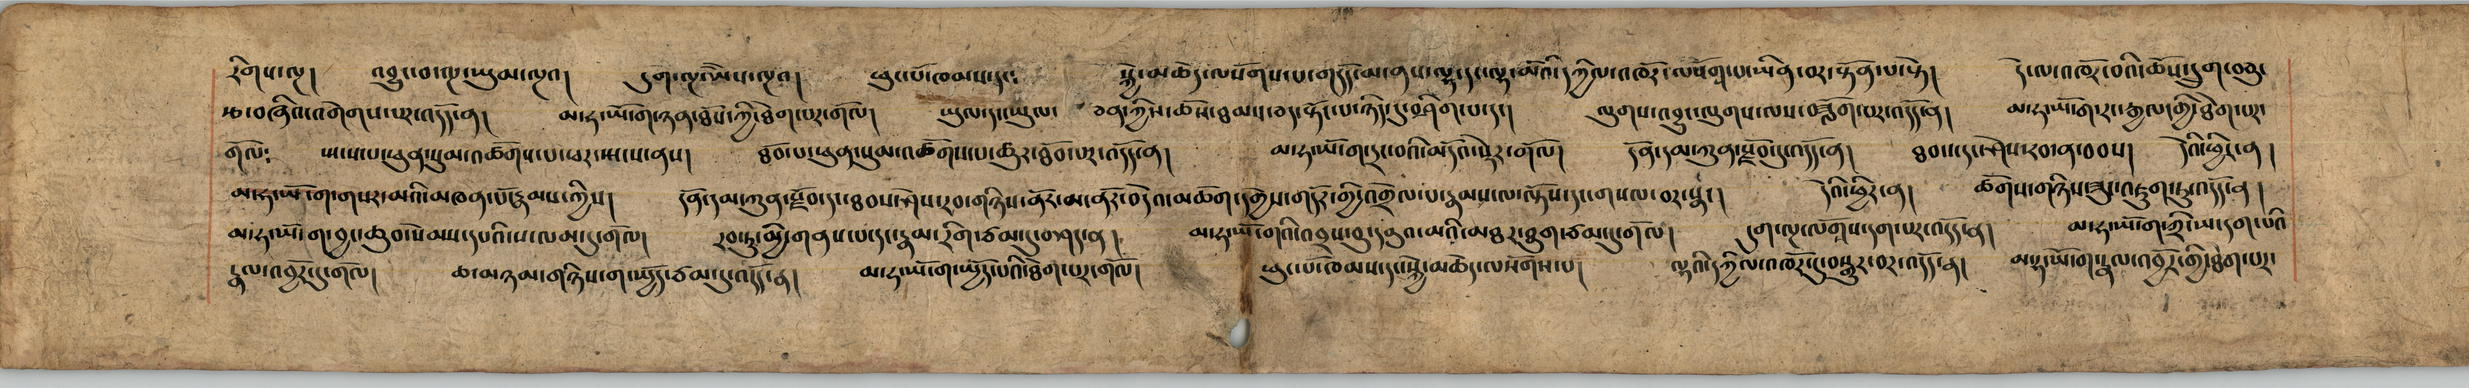རིགས་ལྔ། འབྱུང་བ་ལྔ་ཡུམ་ལྔའ། དུག་ལྔ་ཡཻས་ལྔའ། ཕུང་པོ་ཁམས་དང༴ སྐྱེ་མཆེད་ལསོགས་པ་གདོད་མ་ནས་ལྷ་དང་ལྷ་མོའི་དཀྱིལ་འཁོར་ལསོགས་པ་ཡིན་བར་སྟོན་པ་སྟེ། དེ་ལ་འཁོར་བའི་ཆོས་དྲུག་བཅུ་
རྩ་བཞིའ་འགེགས་པར་འདོད་ན། མ་ཧ་ཡོ་ག་ཉན་ཐོས་ཀྱི་ཐེག་པར་གོལ། ཡུལ་དང་ཡུལ་ ཅན་ཀྱིས་ཆོས་ཐམས་ཅད་སྟོང་པ་ཉིད་དུ་བཤིག་པ་དང། ལུགས་འབྱུང་ལུགས་ལས་བཟློག་པར་འདོད་ན། མ་ཧ་ཡོ་ག་རང་རྒྱལ་གྱི་ཐེག་པར་
གོལ༴ སྤངས་པ་ཕུན་སུམ་འཚོགས་པ་ཕར་སྤངས་ནས། ཐོབ་པ་ཕུན་སུམ་འཚོགས་པ་ཚུར་ཐོབ་པར་འདོད་ན། མ་ཧ་ཡོ་ག་དྲང་བའི་མདོའི་སྡེར་གོལ། དོན་དམ་ཀུན་སྫོབ་དུ་འདོད་ན། ཐབས་དང་ཤེས་རབ་ན་བབས། དེའི་ཕྱིར་ན།
མ་ཧ་ཡོ་ག་གསར་མའི་མཁན་པོ་རྣམས་ཀྱིས། དོན་དམ་ཀུན་སྫོབ་དང་ཐབས་ཤེས་རབ་གཉིས་ནོར་མ་ནོར་བདེའ་མཆོག་དགྱེས་གདོར་གྱི་འགྲེལ་པ་རྣམས་ལ་ལྟོས་དང་གསལ་བར་སྣང། དེའི་ཕྱིར་ན། ཚོགས་གཉིས་ཟུང་འཇུག་ཏུ་འདོད་ན །
མ་ཧ་ཡོ་ག་བྱང་ཆུབ་སེམས་དཔའི་ས་ལམ་དུ་གོལ། རབ་ཏུ་མྱི་གནས་པ་དང་རྣམ་རིག་ཙམ་དུ་བཤད་ན། མ་ཧ་ཡོ་གའི་འབྲས་བུ་དབུའ་མའི་མཐར་ཐུག་ཙམ་དུ་གོལ། དུག་ལྔ་ལོགས་དག་པར་འདོད་ན། མ་ཧ་ཡོ་ག་ཀྲི་ཡ་དག་པའི
རྣལ་འབྱོར་དུ་གོལ། ཆ་མཉམ་གཉིས་ག་སྤྱོད་ཙམ་དུ་འདོད་ན། མ་ཧ་ཡོ་ག་སྤྱོད་པའི་ཐེག་པར་གོལ། ཕུང་པོ་ཁམས་དང་སྐྱེ་མཆེད་ལསོགས་པ། ལྷའི་དཀྱིལ་འཁོར་དུ་བསྒྱུར་བར་འདོད་ན། མ་ཧ་ཡོ་ག་རྣལ་འབྱོར་གྱི་ཐེག་པར་